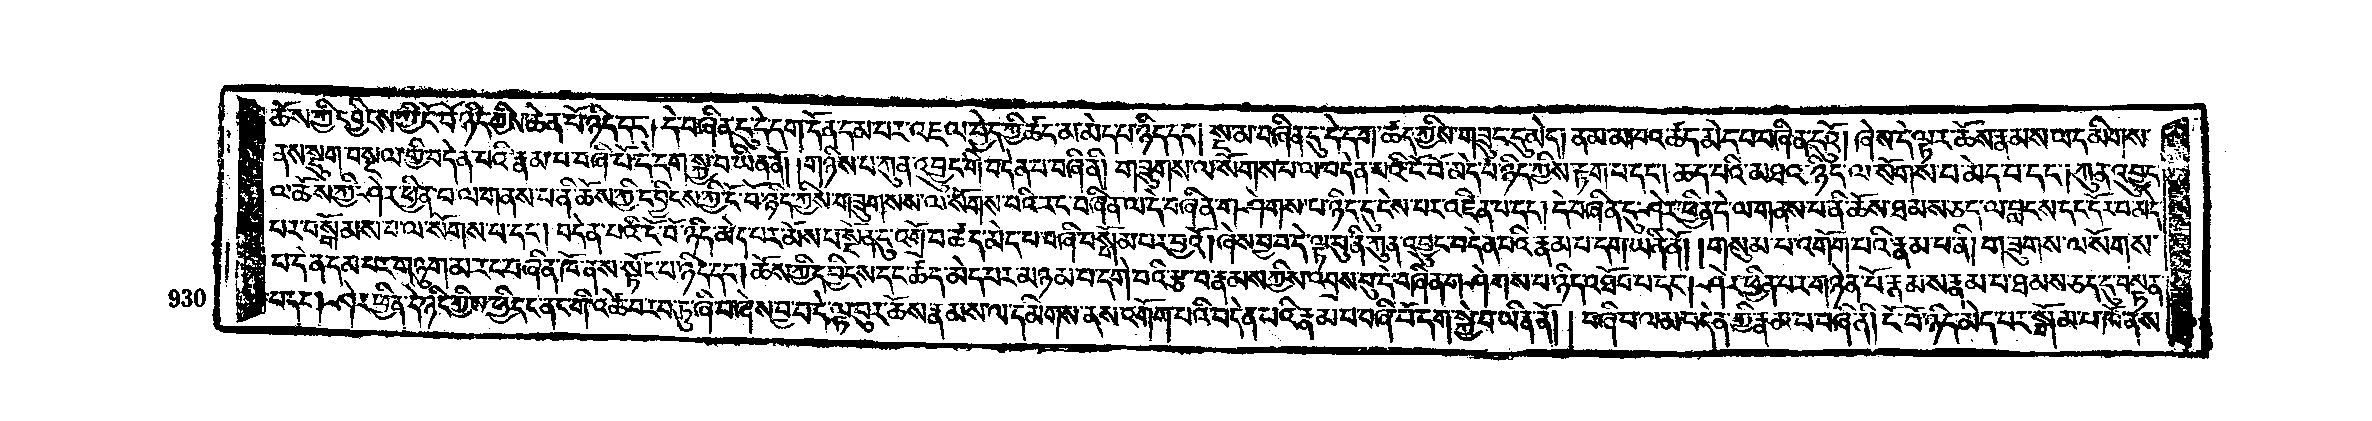ཆོས་ཀྱི་དབྱིངས་ཀྱི་ངོ་བོ་ཉིད་ཀྱིས་ཆེན་པོ་ཉིད་དང་། དེ་བཞིན་དུ་དེ་དག་དོན་དམ་པར་འཇལ་བྱེད་ཀྱི་ཚད་མ་མེད་པ་ཉིད་དང་། སྔ་མ་བཞིན་དུ་དེ་དག་ཚད་ཀྱིས་གུགས་དུ་མེད། ནམ་མཁའ་ཚད་མེད་པ་བཞིན་དུའོ། ཞེས་དེ་ལྟར་ཆོས་རྣམས་ལ་དམིགས་
ནས་སྡུག་བསྔལ་གྱི་བདེན་པའི་རནམ་པ་བཞི་པོ་དེ་དག་སྐྱེ་བ་ཡིན་ནོ། །གཉི་པ་ཀུན་འབྱུང་གི་བདེན་པ་བཞི་ནི། གཟུགས་ལ་སོགས་པ་ལ་བདེན་པའི་ངོ་བོ་མེད་པ་ཉིད་ཀྱིས་རྟགས་པ་དང་། ཚད་མའི་མཐའ་ཉིད་ལ་སོགས་པ་མེད་པ་དང་། ཀུན་འབྱུང་
ལ་ཆོས་ཀྱི་ཤེར་ཕྱིན་པ་ལ་གནས་པ་ནི་ཆོས་ཀྱི་དབྱིངས་ཀྱི་ངོ་བོ་ཉིད་ཀྱིས་གཟུགས་ལ་སོགས་པའི་རང་བཞིན་ལ་དེ་བཞིན་གཤེགས་པ་ཉིད་དུ་ངེས་པར་འཛིན་པ་དང་། དེ་བཞིན་དུ་ཤེར་ཕྱིན་དེ་ལ་གནས་པ་ནི་ཆོས་ཐམས་ཅད་ལ་བླངས་དང་དོར་བ་མེད་
པར་བསྒོམས་པ་ལ་སོགས་པ་དང་། བདེན་པའི་ངོ་བོ་ཉིད་མེད་པར་མོས་པ་སྔོན་དུ་འགྲོ་བ་ཚད་མེད་པ་བཞི་བསྒོམ་པར་བྱའོ། ཞེས་བྱ་བ་དེ་ལྟ་བུ་ནི་ཀུན་འབྱུང་བདེན་པའི་རྣམ་པ་དག་ཡིན་ནོ། །གསུམ་པ་འགོག་པའི་རྣམ་པ་ནི། གཟུགས་ལ་སོགས་
པ་དོན་དམ་པར་གཉུག་མ་རང་བཞིན་ཁོ་ནས་སྟོང་པ་ཉིད་དང་། ཆོས་ཀྱི་དབྱིངས་དང་ཚད་མེད་པར་མཉམ་པ་དགེ་བའི་རྩ་བ་རྣམས་ཀྱིས་འབྲས་བུ་དེ་བཞིན་གཤེགས་པ་ཉིད་འཐོབ་པ་དང་། ཤེར་ཕྱིན་པར་གཉེན་པོ་རྣམས་རྣམ་པ་ཐམས་ཅད་དུ་བསྟན་
པ་དང་། ཤེར་ཕྱིན་དེ་ཉིད་ཀྱིས་ཕྱི་དང་ནང་གི་འཚེ་བ་རབ་ཏུ་ཞི་བ་ཞེས་བྱ་བ་དེ་ལྟ་བུར་ཆོས་རྣམས་ལ་དམིགས་ནས་འགོག་པའི་བདེན་པའི་རྣམ་པ་བཞི་པོ་དག་སྐྱེ་བ་ཡིན་ནོ། །བཞི་བ་ལམ་བདེན་ཀྱི་རྣམ་པ་བཞི་ནི། ངོ་བོ་ཉིད་མེད་པར་སྒོམ་པ་ཁོ་ནས་